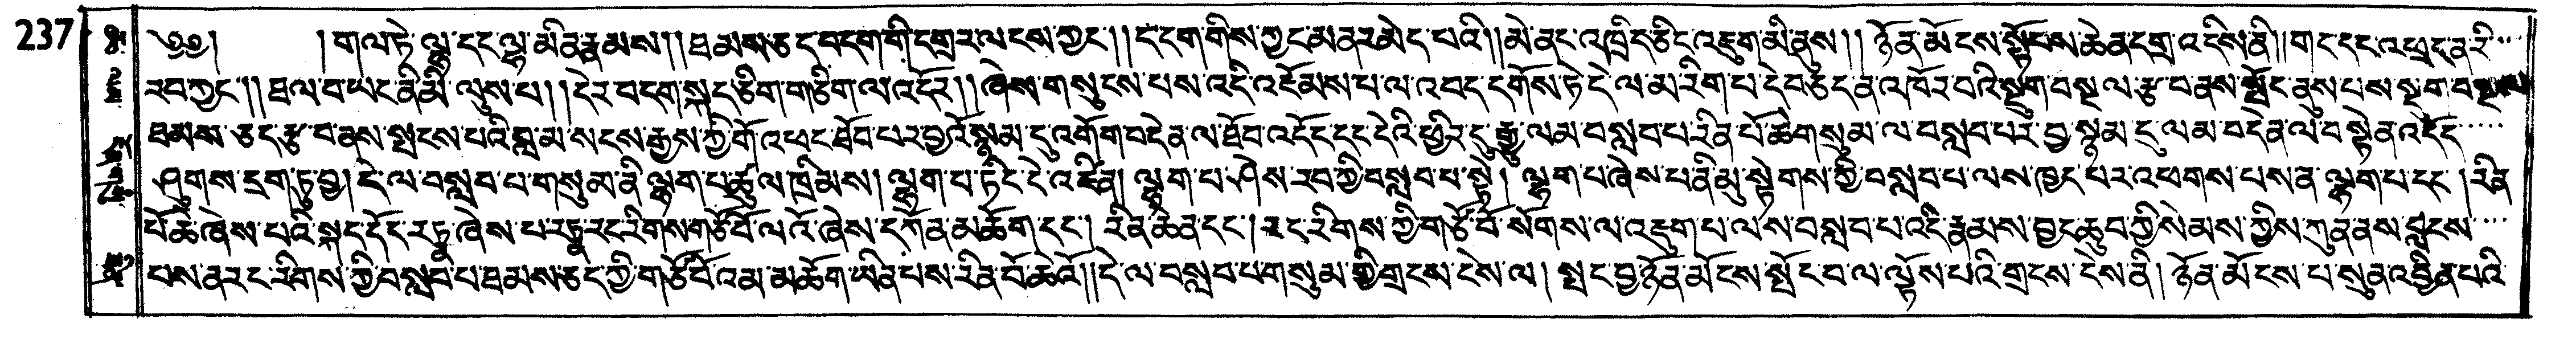༄༅། །གལ་ཏེ་ལྷ་དང་ལྷ་མིན་རྣམས། །ཐམས་ཅད་བདག་གི་དགྲར་ལངས་ཀྱང་། །ད་དག་གིས་ཀྱང་མནར་མེད་པའི། །མེ་ནང་འཁྲིད་ཅིང་འཇུག་མི་ནུས། །ཉོན་མོངས་སྟོབས་ཆེན་དགྲ་འདིས་ནི། །གང་དང་འཕྲད་ན་རི་
རབ་ཀྱང་། །ཐལ་བ་ཡང་ནི་མི་ལུས་པ། །དེར་བདག་སྐད་ཅིག་གཅིག་ལ་འདོར། །ཞེས་གསུངས་པས་འདི་འཇོམས་པ་ལ་འབད་དགོས་ཏེ་དེ་ལ་མ་རིག་པ་དེ་བཅད་ན་འཁོར་བའི་སྡུག་བསྔལ་རྩ་བ་ནས་སྤོང་ནུས་པས་སྡུག་བསྔལ་
ཐམས་ཅད་རྩ་བ་ནས་སྤངས་པའི་བླ་མ་སངས་རྒྱས་ཀྱི་གོ་འཕང་ཐོབ་པར་བྱའོ་སྙམ་དུ་འགོག་བདེན་ལ་ཐོབ་འདོད་དང་དེའི་ཕྱིར་དུ་རྒྱུ་ལམ་བསླབ་པ་རིན་པོ་ཆེ་གསུམ་ལ་བསླབ་པར་བྱ་སྙམ་དུ་ལམ་བདེན་ལ་བསྟེན་འདོད་
ཤུགས་དྲག་ཏུ་བྱ། དེ་ལ་བསླབ་པ་གསུམ་ནི་ལྷག་པ་ཚུལ་ཁྲིམས། ལྷག་པ་ཏིང་ངེ་འཛིན། ལྷག་པ་ཤེས་རབ་ཀྱི་བསླབ་པ་སྟེ། ལྷག་པ་ཞེས་པ་ནི་མུ་སྟེགས་ཀྱི་བསླབ་པ་ལས་ཁྱད་པར་འཕགས་པས་ན་ལྷག་པ་དང་། རིན་
པོ་ཆེ་ཞེས་པའི་སྐད་དོང་རཏྣ་ཞེས་པ་རཏྣ་རང་རིགས་གཙོ་བོ་ལའོ་ཞེས་དཀོན་མཆོག་དང་། རིན་ཆེན་དང་། རང་རིགས་ཀྱི་གཙོ་བོ་སོགས་ལ་འཇུག་པ་ལས་བསླབ་པ་འདི་རྣམས་བྱང་ཆུབ་ཀྱི་སེམས་ཀྱིས་ཀུན་ནས་བླངས་
པས་ན་རང་རིགས་ཀྱི་བསླབ་པ་ཐམས་ཅད་ཀྱི་གཙོ་བོ་འམ་མཆོག་ཡིན་པས་རིན་པོ་ཆེའོ། །དེ་ལ་བསླབ་པ་གསུམ་གྱི་གྲངས་ངེས་ལ། སྤང་བྱ་ཉོན་མོངས་སྤོང་བ་ལ་ལྟོས་པའི་གྲངས་ངེས་ནི། ཉོན་མོངས་པ་སུན་འབྱིན་པའི་